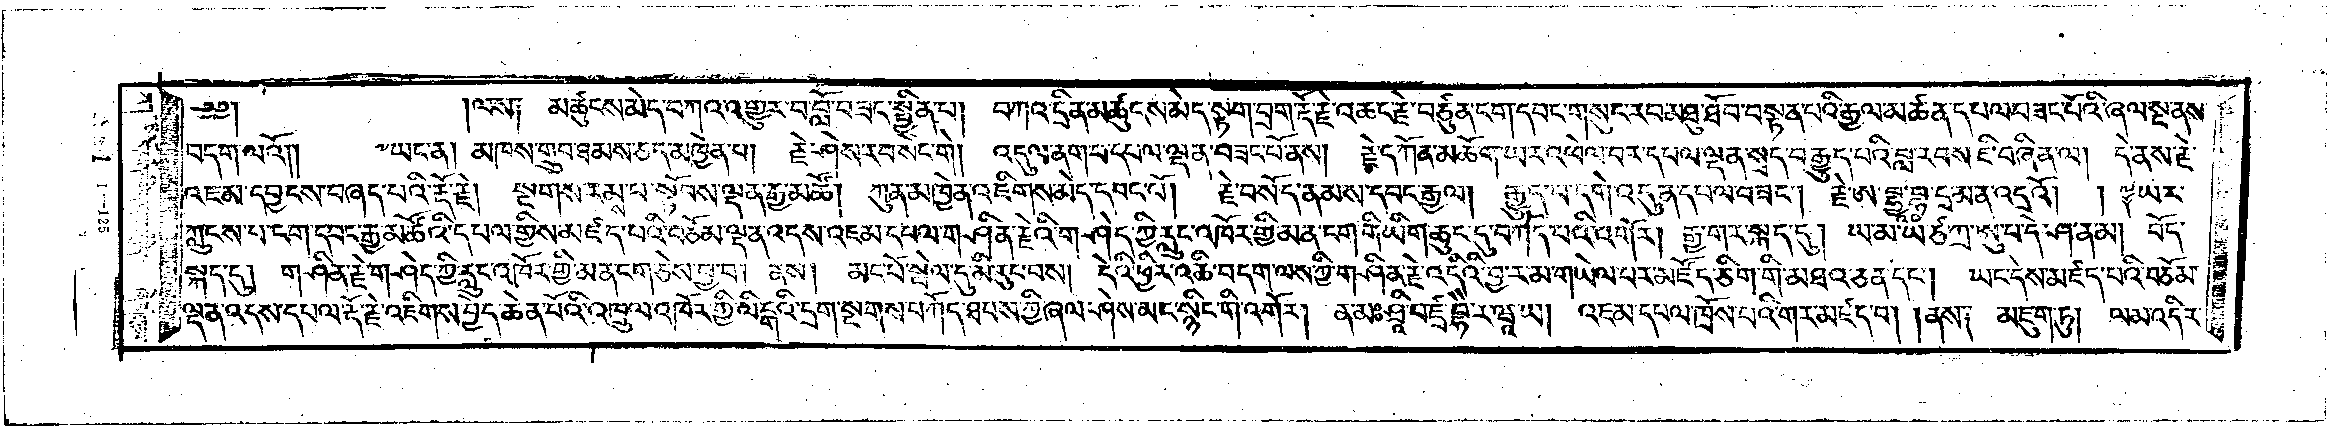༄༅། །ལས༑ མཚུངས་མེད་བཀའ་འགྱུར་བ་བློ་བཟང་སྤྱིན་པ། བཀའ་དྲིན་མཚུངས་མེད་སྟག་བྲག་རྡོ་རྗེ་འཆང་རྗེ་བཙུན་ངག་དབང་གསུང་རབ་མཐུ་ཐོབ་བསྟན་པའི་རྒྱལ་མཚན་དཔལ་བཟང་པོའི་ཞལ་སྔ་ནས་
བདག་ལའོ།། ༈ ཡང་ན། མཁས་གྲུབ་ཐམས་ཅད་མཁྱེན་པ། རྗེ་ཤེས་རབ་སངས་གེ། འདུལ་ནག་པ་དཔལ་ལྡན་བཟང་པོ་ནས། རྗེ་དཀོན་མཆོག་ཡར་འཕེལ་བར་དཔལ་ལྡན་སྲད་བརྒྱུད་པའི་བླ་རབས་ཇི་བཞིན་ལ། དེ་ནས་རྗེ་
འཇམ་དབྱངས་བཞད་པའི་རྡོ་རྗེ། སྔགས་རམས་པ་སྟོབས་ལྡན་རྒྱ་མཚོ། ཀུན་མཁྱེན་འཇིགས་མེད་དབང་པོ། རྗེ་བསོད་ནམས་དབང་རྒྱལ། རྒྱུད་པ་དགེ་འདུན་དཔལ་བཟང་། རྗེ་ཨ་བྷྱ་བྷ་དྲ་མན་འདྲའོ། ། ༈ ཡར་
ཀླུངས་པ་ངག་དབང་རྒྱ་མཚོའི་དཔལ་གྱིས་མཛད་པའི་བཅོམ་ལྡན་འདས་འཇམ་དཔལ་གཤིན་རྗེའི་གཤེད་ཀྱི་རླུང་འཁོར་གྱི་མན་ངག་གི་ཡིག་ཆུང་དུ་བཀོད་པའི་འགོར། རྒྱ་གར་སྐད་དུ། ཡ་མ་ཡཾ་ཙ་ཀྲ་ཨུ་པ་དེ་ཤ་ན་མ། བོད་
སྐད་དུ། གཤིན་རྗེ་གཤེད་ཀྱི་རླུང་འཁོར་གྱི་མ་ནང་གཅེས་བྱ་བ། ནས། མང་པོ་སྤེལ་དུ་མི་རུང་བས། དེའི་ཕྱིར་འཆི་བདག་ལས་ཀྱི་གཤིན་རྗེ་འདིའི་བྱ་ར་མ་གཡེལ་བར་མཛོད་ཅིག་གི་མཐའ་ཅན་དང་། ཡང་དེས་མཛད་པའི་བཅོམ་
ལྡན་འདས་དཔལ་རྡོ་རྗེ་འཇིགས་བྱེད་ཆེན་པོའི་འཁྲུལ་འཁོར་གྱི་ལིངྒའི་དྲག་སྔགས་བཀོད་ཐབས་ཀྱི་ཞལ་ཤེས་མང་སྙིང་གི་འགོར། ན་མཿ ཤྲཱི་བཛྲ་བྷཻ་ར་ཝཱ་ཡ། འཇམ་དཔལ་ཁྲོས་པའི་གར་མཛད་པ། །ནས༑ མཇུག་ཏུ། ལམ་འདིར་